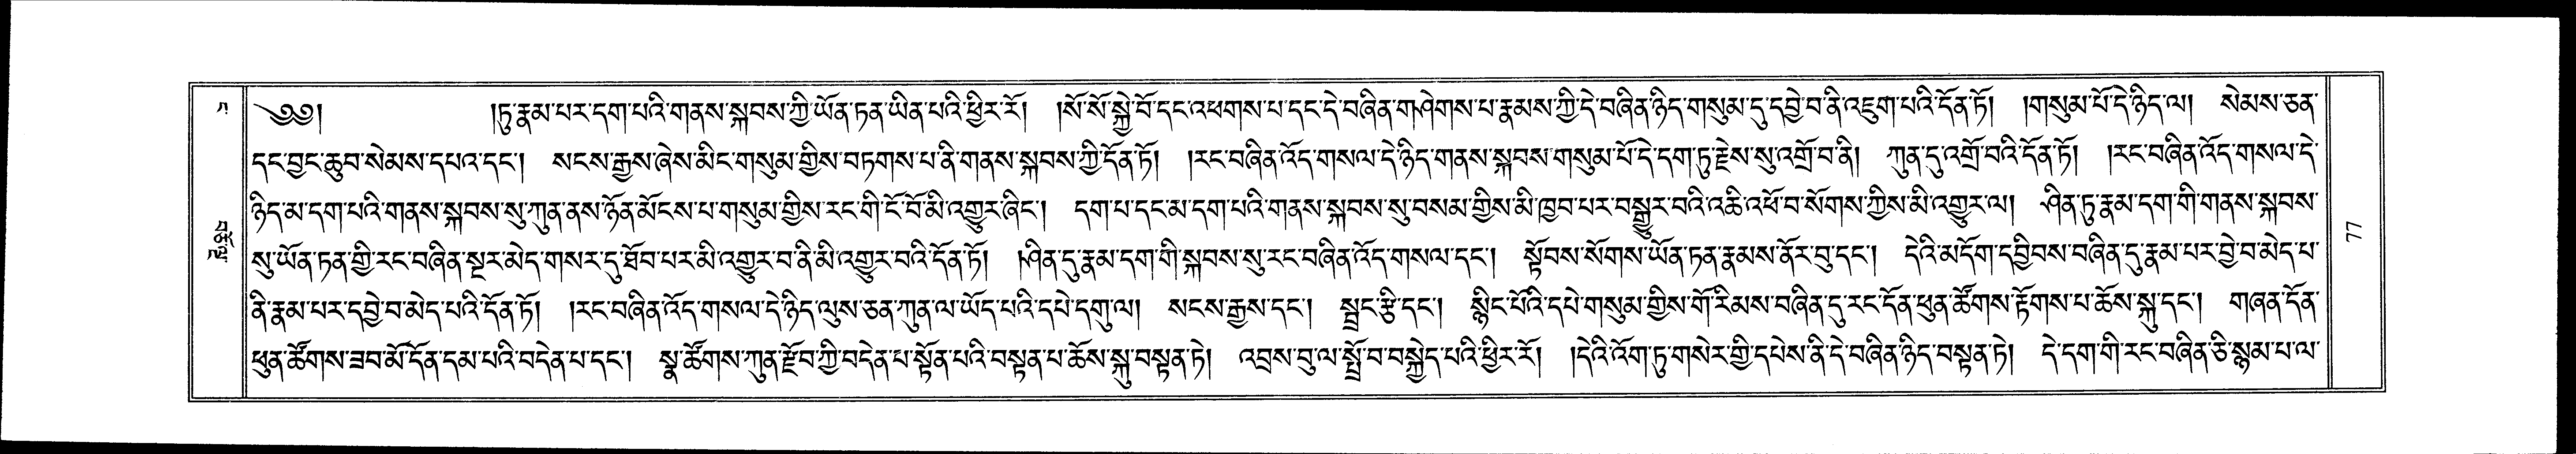༄༅། །ཏུ་རྣམ་པར་དག་པའི་གནས་སྐབས་ཀྱི་ཡོན་ཏན་ཡིན་པའི་ཕྱིར་རོ། །སོ་སོ་སྐྱེ་བོ་དང་འཕགས་པ་དང་དེ་བཞིན་གཤེགས་པ་རྣམས་ཀྱི་དེ་བཞིན་ཉིད་གསུམ་དུ་དབྱེ་བ་ནི་འཇུག་པའི་དོན་ཏོ། །གསུམ་པོ་དེ་ཉིད་ལ། སེམས་ཅན་
དང་བྱང་ཆུབ་སེམས་དཔའ་དང་། སངས་རྒྱས་ཞེས་མིང་གསུམ་གྱིས་བཏགས་པ་ནི་གནས་སྐབས་ཀྱི་དོན་ཏོ། །རང་བཞིན་འོད་གསལ་དེ་ཉིད་གནས་སྐབས་གསུམ་པོ་དེ་དག་ཏུ་རྗེས་སུ་འགྲོ་བ་ནི། ཀུན་དུ་འགྲོ་བའི་དོན་ཏོ། །རང་བཞིན་འོད་གསལ་དེ་
ཉིད་མ་དག་པའི་གནས་སྐབས་སུ་ཀུན་ནས་ཉོན་མོངས་པ་གསུམ་གྱིས་རང་གི་ངོ་བོ་མི་འགྱུར་ཞིང་། དག་པ་དང་མ་དག་པའི་གནས་སྐབས་སུ་བསམ་གྱིས་མི་ཁྱབ་པར་བསྒྱུར་པའི་འཆི་འཕོ་བ་སོགས་ཀྱིས་མི་འགྱུར་ལ། ཤིན་ཏུ་རྣམ་དག་གི་གནས་སྐབས་
སུ་ཡོན་ཏན་གྱི་རང་བཞིན་སྔར་མེད་གསར་དུ་ཐོབ་པར་མི་འགྱུར་བ་ནི་མི་འགྱུར་པའི་དོན་ཏོ། །ཤིན་ཏུ་རྣམ་དག་གི་སྐབས་སུ་རང་བཞིན་འོད་གསལ་དང་། སྟོབས་སྟོབས་ཡོན་ཏན་རྣམས་ནོར་བུ་དང་། དེའི་འདོག་དབྱིབས་བཞིན་དུ་རྣམ་པར་བྱེ་བ་མེད་པ་
ནི་རྣམ་པར་དབྱེ་བ་མེད་པའི་དོན་ཏོ། །རང་བཞིན་འོད་གསལ་དེ་ཉིད་ལུས་ཅན་ཀུན་ལ་ཡོད་པའི་དཔེ་དགུ་ལ། སངས་རྒྱས་དང་། སྦྲང་རྩི་དང་། སྙིང་པོའི་དཔེ་གསུམ་གྱིས་གོ་རིམས་བཞིན་དུ་རང་དོན་ཕུན་ཚོགས་རྟོགས་པ་ཆོས་སྐུ་དང་། གཞན་དོན་
ཕུན་ཚོགས་ཟབ་མོ་དོན་དམ་པའི་བདེན་པ་དང་། སྣ་ཚོགས་ཀུན་རྫོབ་ཀྱི་བདེན་པ་སྟོན་པའི་བསྟན་པ་ཆོས་སྐུ་བསྟན་ཏེ། འབྲས་བུ་ལ་སྤྲོ་བ་བསྐྱེད་པའི་ཕྱིར་རོ། །དེའི་འོག་ཏུ་གསེར་གྱི་དཔེས་ནི་བཞིན་ཉིད་བསྟན་ཏེ། དེ་དག་གི་རང་བཞིན་ཅི་སྙམ་པ་ལ་